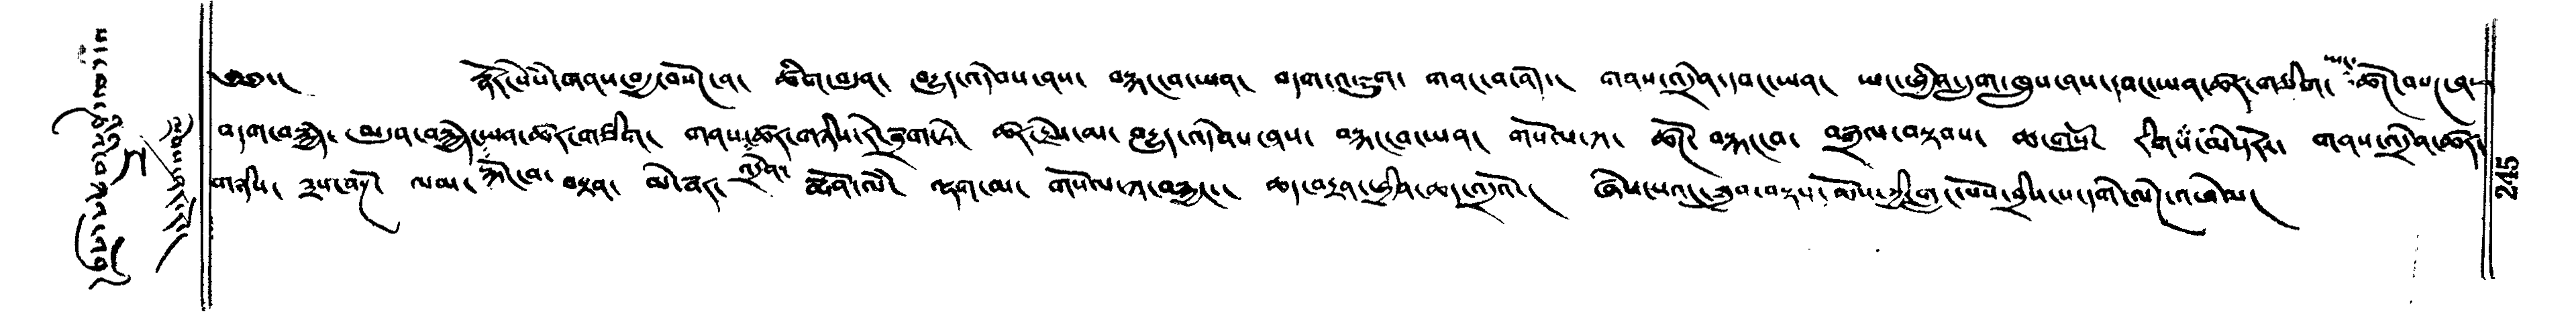༄༅། རྡོར་སེམས་གནས་བརྒྱ་གསོག་ན། ཚིག་བདུན། རྒྱུད་འདེབས་ནས། སྐོང་བ་ཡན། བདག་འཇུག གནང་བ་ནོད། གནས་འདྲེན་དབང་ཡན། ཡང་ཕྱིན་དྲུག་ཁྲུས་ནས་དབང་ཡན་ཚར་གཅིག ཡང་ཚོགས་གསོག་ནས་
བདག་སྐྱེད། མདུན་སྐྱེད་སྐོང་བ་ཡན་ཚར་གཅིག གནས་འདྲེན་ཚར་གཉིས་རེ་སྦྲགས་ཏེ་ཚར་རྗེས་མར་རྒྱུད་འདེབས་ནས་སྐོང་བ་ཡན། གསོལ་ཀ ཚོགས། སྐོང་བ། བསྒྲལ་བསྟབ་ཆ་གསུམ། རིག་མི་དོར། གནས་འདྲེན་ཚར་
གཉིས། ཟས་བསྔོ་ལམ་བསྟན། མེ་སྦར། སྨོན་ལམ། ལྷག་མ། གསོལ་ཀ་བསྐྱང་། ཆད་བརྟན་ཕྱིན་ཆད་འདྲའོ། ཞེས་པའང་ཐུབ་བསྟན་ཆོས་ཀྱི་གླང་པོས་བྲིས་པ་དགེ་ལེགས་འཕེལ།། བཀྲ་ཤིས།།